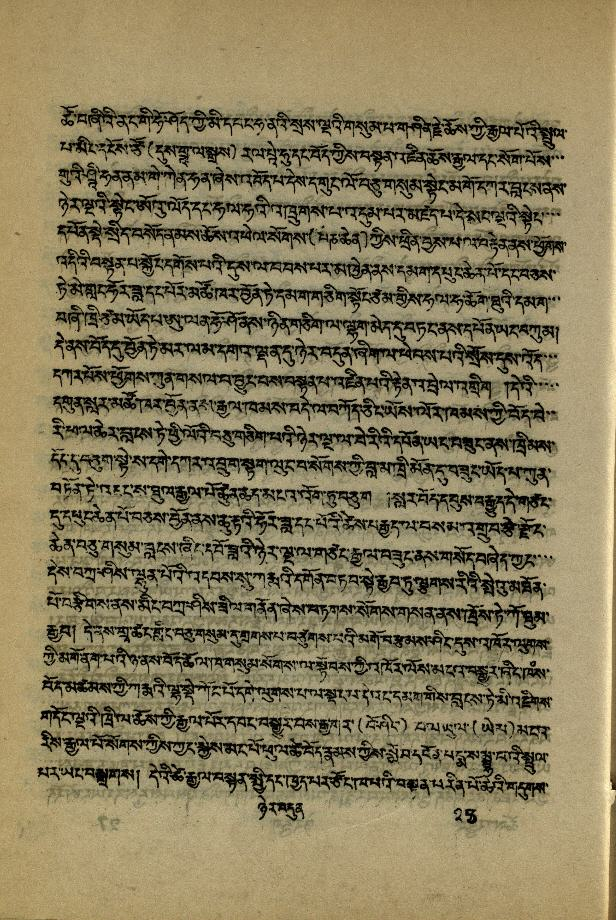ཚོ་བཞིའི་ནང་གི་ཧོ་ཤོད་ཀྱི་མི་དབང་ཧ་ནའི་སྲས་ལྔའི་གསུམ་པ་གཤིན་རྗེ་ཆོས་ཀྱི་རྒྱལ་པོའི་སྤྲུལ་
པ་མིང་དངོས་ཙོ་དུས་གྲཱ་ལ་སྒྲས་རལ་པE་ཧུ་དང་བོད་ཀྱིས་བསྟན་འཛིན་ཆོས་རྒྱལ་དང་སོག་པོས་
གུའི་ཤྲཱི་ཧན་ནམ་གེ་ཀེན་ཧན་ཞེས་འབོད་པ་དེས་དགུང་ལོ་བཅུ་གསུམ་སྟེང་མགོ་དཀར་བླངས་ནས་
ཉེར་ལྔའི་སྟེང་ཨོའུ་ལོད་དང་ཧལ་ཧའི་འཁྲུགས་པ་འདུམ་པར་མཛད་པ་དེ་སང་ལྔའི་སྟེང་
དཔོན་སྡེ་སྲིད་བསོད་ནམས་ཆོས་འཕེལ་སོགས་པཎ་ཆེན་ཀྱིས་ཕྲིན་བྱས་པ་ལ་བརྟེན་ནས་ཕྱོགས་
འདིའི་བསྟན་པ་སྐྱོང་དགོས་པའི་དུས་ལ་བབས་པར་མཁྱེན་ནས་དམག་དཔུང་ཆེན་པོ་དང་བཅས་
ཏེ་མེ་གླང་ཧོར་ཟླ་དང་པོར་མཚོ་ཁར་བྱོན་ཏེ་དམག་གཅིག་སྟོང་ཙམ་གྱིས་ཧལ་ཧ་ཆོག་ཐུའི་དམག་
བཞི་ཁྲི་ཙམ་ཡོད་པ་ཨུ་ལན་ཧོ་ཤོ་ནས་ཉིན་གཅིག་ལ་ལྷག་མེད་དུ་བཏང་ནས་དཔོན་ཡང་བཀུམ།
དེ་ནས་བོད་དུ་བྱོན་ཏེ་མར་ལམ་དགའ་ལྡན་དུ་ཉེར་བདུན་ཞིག་ལ་ཕེབས་པའི་སྲོས་དུས་འོད་
དཀར་པོས་ཕྱོགས་ཀུན་གསལ་བ་བྱུང་བས་བསྟན་པ་འཛིན་པའི་རྟེན་འབྲེལ་འགྲིག །དེའི་
དགུན་སླར་མཚོ་ཁར་བྱོན་ནས་རྒྱལ་ཁམས་བདེ་ལ་བཀོད་ཅིང་ཡོས་ལོར་ཁམས་ཀྱི་བོད་བེ་
རི་ཕལ་ཆེར་བླངས་ཏེ་ཕྱི་ལོའི་བཅུ་གཅིག་པའི་ཉེར་ལྔ་ལ་བེ་རིའི་དཔོན་ཡང་བཟུང་ནས་ཁྲིམས་
དོང་དུ་བཅུག་སྟེ་ས་དགེ་དཀར་འབྲུག་སྟག་ལུང་བ་སོགས་ཀྱི་བླ་མ་ཁྲི་མོན་དུ་བཟུང་ཡོད་པ་ཀུན་
བཏོན་ཏེ་འཇང་ས་ཐུལ་རྒྱལ་པོ་ཚུན་ཆད་མངའ་འོག་ཏུ་བཅུག །སླར་བོད་དབུས་བརྒྱུད་དེ་གཙང་
དུ་དཔུང་ཆེན་པོ་བཅས་བྱོན་ནས་ཆུ་རྟའི་ཧོར་ཟླ་དང་པོའི་ཚེས་བརྒྱད་ལ་བསམ་འགྲུབ་རྩེ་རྫོང་
ཆེན་བཅུ་གསུམ་བླངས་ཞིང་དབོ་ཟླའི་ཉེར་ལྔ་ལ་གཙང་རྒྱལ་བཟུང་ནས་གསོད་བཞེད་ཀྱང་
དེས་བཀྲ་ཤིས་ལྷུན་པོའི་འདབས་སུ་ཀརྨའི་དགོན་བཏབ་སྟེ་རྒྱབ་ཏུ་ལྕགས་རིའི་སྤེའུ་མཐོན་
པོ་བརྩིགས་ནས་མིང་བཀྲ་ཤིས་ཟིལ་གནོན་ཞེས་བཏགས་སོགས་གསན་ནས་ཁྲོས་ཏེ་ཀོ་ཐུམ་
རྒྱབ། དེ་ནས་གྲྭ་ཚང་གླིང་བཅུ་གསུམ་དུ་གྲགས་པ་བཙུགས་པའི་མགོ་བརྩམས་ཤིང་དུས་འཁོར་ལུགས་
ཀྱི་མགོ་ནག་པའི་ཉ་ནས་བོད་ཚོལ་ཁ་གསུམ་སོགས་ལ་སྟོབས་ཀྱི་འཁོར་ལོས་མངའ་བསྒྱུར་ཞིང་ཁཾས་
བོད་མཚམས་ཀྱི་ཀརྨའི་ལྷ་སྡེ་ཀོང་པོ་དགེ་ལུགས་པ་ལ་སྡང་པ་དེའང་དམག་གིས་བླངས་ཏེ་མི་འཇིགས་
གདོང་ལྔའི་ཁྲི་ལ་ཆོས་ཀྱི་རྒྱལ་པོར་དབང་བསྒྱུར་བས་རྒྱ་གར་བོ་ཤིང་བལ་ཡུལ་ཡེམ་མངའ་
རིས་རྒྱལ་པོ་སོགས་ཀྱིས་ཀྱང་སྐྱེས་མང་པོ་ཕུལ་ཚེ་བོད་རྣམས་ཀྱིས་སློབ་དཔོན་པདམ་སམྦྷ་བའི་སྤྲུལ་
པར་ཡང་བསྒྲགས། དེའི་ཚེ་རྒྱལ་བསྟན་སྤྱི་དང་ཁྱད་པར་ཙོང་ཁ་པའི་བསྟན་པ་རིན་པོ་ཆེའི་གདུགས་